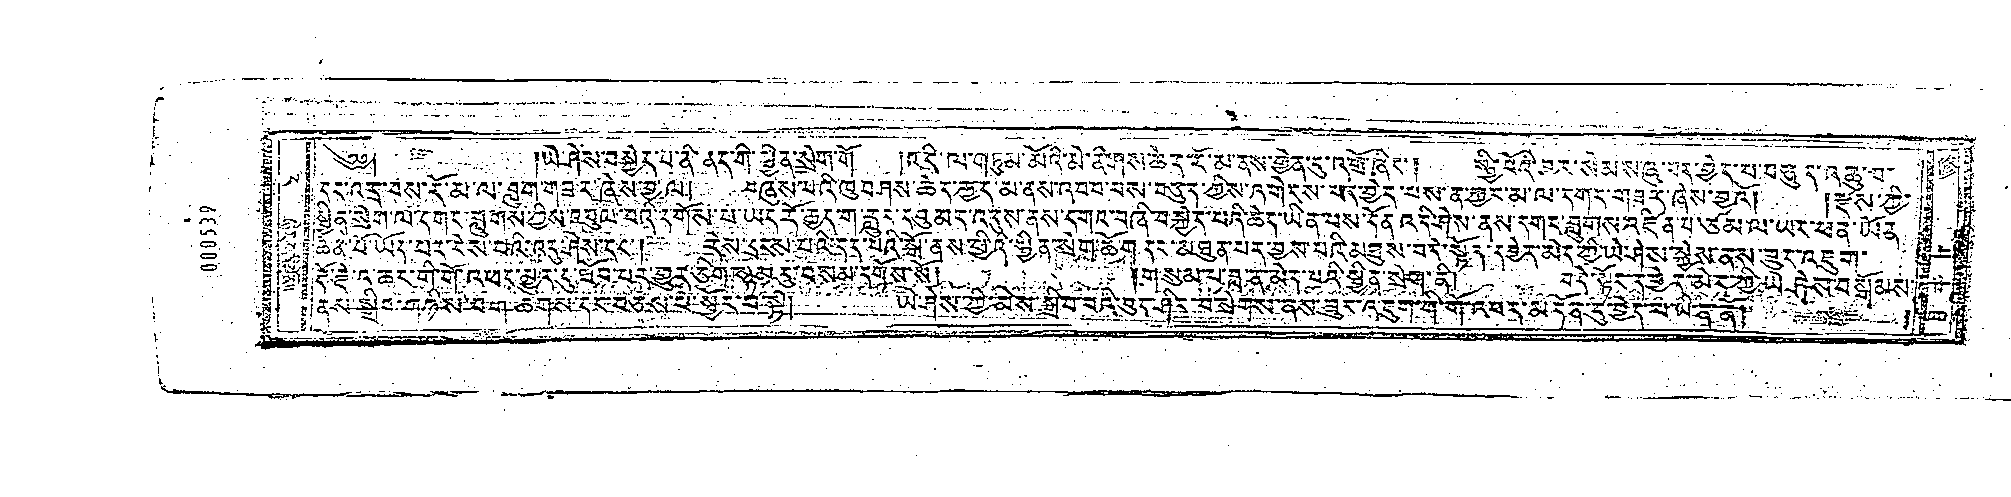༄༅། །ཡེ་ཤེས་བསྐྱེད་པ་ནི་ནད་གི་སྦྱིན་སྲེག་གོ །འདི་ལ་གཏུམ་མོའི་མེ་ནི་ཤས་ཆེར་རོ་མ་ནས་གྱེན་དུ་འགྲོ་ཞིང་། སྤྱི་བོའི་བྱང་སེམས་ཞུ་བར་བྱེད་པ་བཅུད་འཆུ་བ་
དང་འདྲ་བས་རོ་མ་ལ་བླུག་གཟར་ཞེས་བྱ་ལ། བཞུས་པའི་ཁུ་བཤས་ཆེད་རྐྱང་མ་ནས་འབབ་པས་བཅུད་ཀྱིས་འགེངས་པར་བྱེད་པས་ན་རྐྱང་མ་ལ་དགན་གཟར་ཞེས་བྱའོ། །རྫས་ཀྱི་
སྦྱིན་སྲེག་ལ་དགང་བླུགས་ཀྱིས་འབུལ་བའི་དགོས་པ་ཡང་རོ་རྒྱད་ག་རླུང་དབུ་མར་འདུས་ནས་དགའ་བཞི་བསྐྱེད་པའི་ཆེད་ཡིན་པས་དོན་འདི་ཤེས་ནས་དགང་བླུགས་འཛིན་པ་ཙམ་ལ་ཡང་ཕན་ཡོན་
ཆེན་པོ་ཡོད་པར་ངེས་པའི་འདུ་ཤེས་དང་། རེས་དྲངས་པའི་དད་པའི་སྒོ་ནས་ཕྱིའི་སྦྱིན་སྲེག་ཆོ་ག་དང་མཐུན་པར་བྱས་པའི་མཐུས་བདེ་སྟོང་དབྱེར་མེད་ཀྱི་ཡེ་ཤེས་སྐྱེས་ནས་ཟུང་འཇུག་
རྡོ་རྗེ་འཆང་གི་གོ་འཕང་མྱུར་དུ་ཐོབ་པར་གྱུར་ཅིག་སྙམ་དུ་བསམ་དགོས་སོ། །གསུམ་པ་བླ་ན་མེད་པའི་སྦྱིན་སྲེག་ནི། བདེ་སྟོང་དབྱེར་མེད་ཀྱི་ཡེ་ཤེས་བསྒོམས་
ནས་སྒྲིབ་གཉིས་བག་ཆགས་དང་བཅས་པ་སྦྱོང་བ་སྟེ། ཡེ་ཤེས་ཀྱི་མེས་སྒྲིབ་པའི་བུང་ཤིང་བསྲེགས་ནས་ཟུང་འཇུག་གི་གོ་འཕད་མདོན་དུ་བྱེད་པ་ཡི་ན་ནོ། །